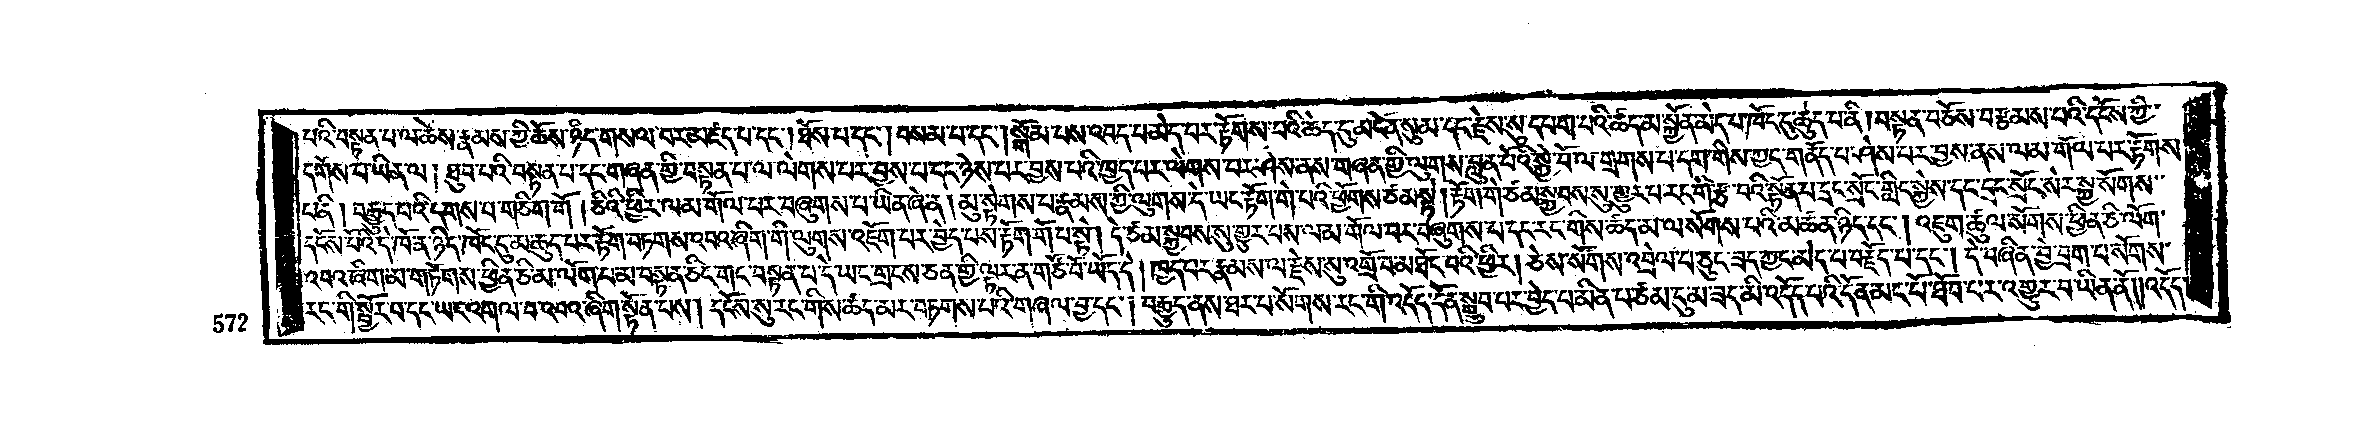པའི་བསྟན་པ་ལ་ཆོས་རྣམས་ཀྱི་ཆོས་ཉིད་གསལ་བར་མཛད་པ་དང་། ཐོས་པ་དང་། བསམ་པ་དང་། སྒོམ་པས་འབད་པ་མེད་པར་རྟོགས་པའི་ཆེད་དུ་མངོན་སུ་དཔག་པའི་ཚད་མ་སྐྱོན་མེད་པ་ཁོང་དུ་ཆུད་པ་ནི། བསྟན་བཅོས་བརྩམས་པའི་དངོས་ཀྱི་
དགོས་པ་ཡིན་ལ། ཐུབ་པའི་བསྟན་པ་དང་གཞན་གྱི་བསྟན་པ་ལ་ལེགས་པར་བྱས་པ་དང་ཉེས་པར་བྱས་པའི་ཁྱད་པར་ལེགས་པར་ཤེས་ནས་གཞན་གྱི་ལུགས་བླུན་པོའི་སྐྱེ་བོ་ལ་གྲགས་པ་དག་གིས་ཀྱང་གནོད་པ་ཤེས་པར་བྱས་ནས་ལམ་གོལ་པར་རྟོགས་
པ་ནི། བརྒྱུད་པའི་དགས་པ་གཅིག་གོ །ཅིའི་ཕྱིར་ལམ་གོལ་པར་བཞུགས་པ་ཡིན་ཞེ་ན། མུ་སྟེགས་པར་ནམས་ཀྱི་ལུགས་དེ་ཡང་རྟོག་གེ་པའི་ཕྱོགས་ཙམ་སྟེ། རྟོག་གེ་ཙམ་སྐྱབས་སུ་གྱུར་པ་རང་གི་རྩ་བའི་སྟོན་པ་དྲང་སྲོང་གླིང་སྐྱེས་དང་དྲང་སྲོང་སེར་སྐྱ་སོགས་
དངོས་པོའི་དེ་ཁོ་ན་ཉིད་ཁོང་དུ་མ་ཆུད་པར་རྟོག་བཏགས་འབའ་ཞིག་གི་ལུགས་འཇོག་པར་བྱེད་པས་རྟོག་གོ་པ་སྟེ། དེ་ཙམ་སྐྱབས་སུ་གྱུར་པས་ལམ་གོལ་བར་བཞུགས་པ་དང་རང་གིས་ཚད་མ་ལ་སོགས་པའི་མཚན་ཉིད་དང་། འཇུག་ཚུལ་སོགས་ཕྱིན་ཅི་ལོག་
འབའ་ཞིག་མ་གཏོགས་ཕྱིན་ཅི་མ་ལོག་པ་མ་བསྟན་ཅིང་གང་བསྟན་པ་དེ་ཡང་གྲངས་ཅན་གྱི་ལྟར་ན་གཙོ་བོ་ཡོད་དེ། ཁྱད་པར་རྣམས་ལ་རྗེས་སུ་འགྲོ་བ་མཐོང་བའི་ཕྱིར། ཅེས་སོགས་འབྲེལ་པ་ཅུང་ཟད་ཀྱང་མེད་པ་བརྗོད་པ་དང་། དེ་བཞིན་བྱེ་བྲག་པ་སོགས་
རང་གི་སྦྱོར་བ་དང་ཡང་འགལ་བ་འབའ་ཞིག་སྟོན་པས། དངོས་སུ་རང་གིས་ཚད་མར་བཏགས་པའི་གཞལ་བྱ་དང་། བརྒྱུད་ནས་ཐར་པ་སོགས་རང་གི་འདོད་དོན་སྒྲུབ་པར་བྱེད་པ་མིན་པ་ཙམ་དུ་མ་ཟད་མི་འདོད་པའི་དོན་མང་པོ་ཐོབ་པར་འགྱུར་བ་ཡིན་ནོ། །འདོད་